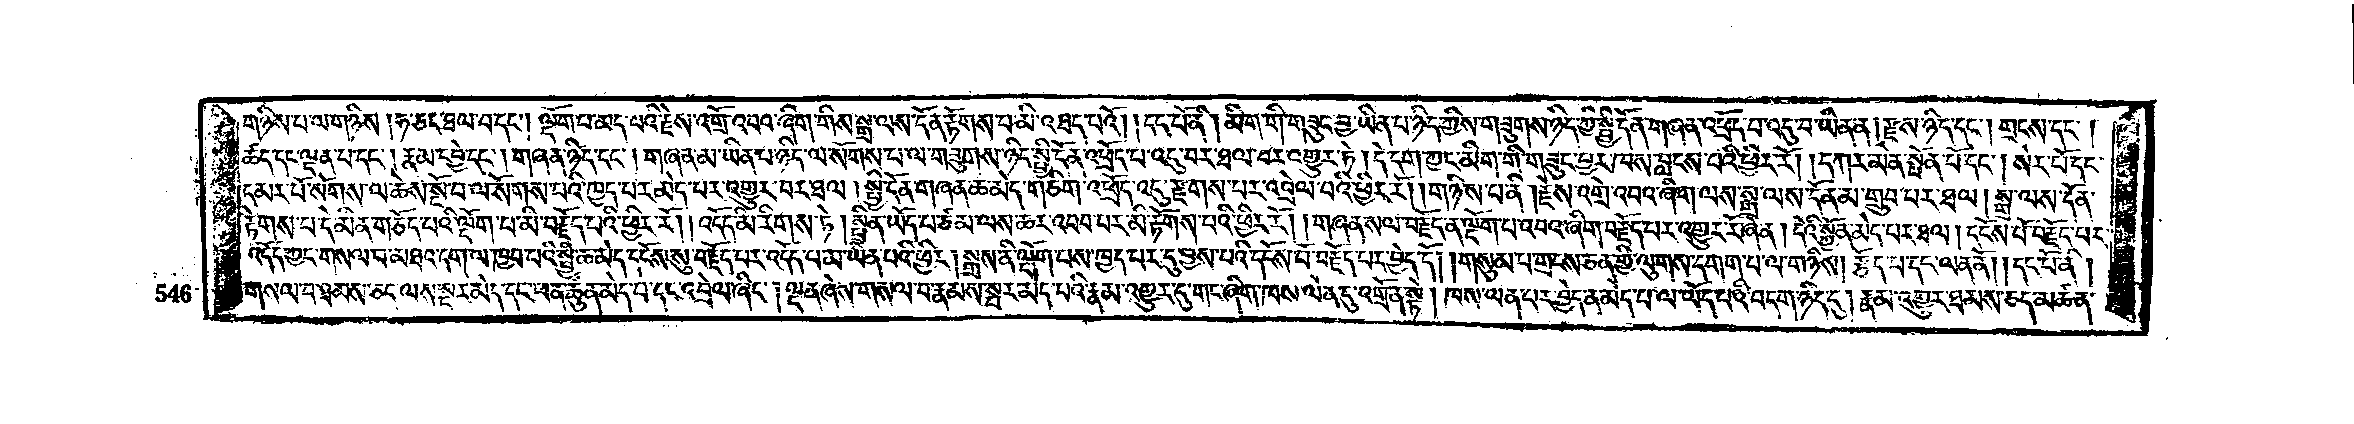གཉིས་པ་ནི། ཧ་ཅང་ཐལ་བ་དང་། ལྡོག་པ་མེད་པའི་རྗེས་འགྲོ་འབའ་ཞིག་གིས་སྒྲ་ལས་དོན་རྟོགས་པ་མི་འཐད་པའོ། །དང་པོ་ནི། མིག་གི་གཟུང་བྱ་ཡིན་པ་ཉིད་ཀྱིས་གཟུགས་ཉིད་ཀྱི་སྤྱི་དོན་གཞན་འཕྲོད་པ་འདུ་བ་ཡིན་ན། རྫས་ཉིད་དང་། གྲངས་དང་།
ཚད་དང་ལྡན་པ་དང་། རྣམ་དབྱེ་དང་། གཞན་མ་ཡིན་པ་ཉིད་ལ་སོགས་པ་ལ་གཟུགས་ཉིད་སྤྱི་དོན་འཕྲོ་དཔ་འདུ་བར་ཐལ་བར་འགྱུར་ཏེ། དེ་དག་ཀྱང་མིག་གི་གཟུང་བྱར་ཁས་བླངས་པའི་ཕྱིར་རོ། །དཀར་མེན་སྤོན་པོ་དང་། སེར་པོ་དང་
དམར་པོ་སོགས་ལ་ཆེས་སྔོ་བ་ལ་སོགས་པའི་ཁྱད་པར་མེད་པར་འགྱུར་བར་ཐལ། སྤྱི་དོན་གཞན་ཆ་མེད་གཅིག་འཕྲོད་འདུ་རྫོགས་པར་འབྲེལ་པའི་ཕྱིར་རོ། །གཉིས་པ་ནི། རྗེས་འགྲོ་འབའ་ཞིག་ལས་སྒྲ་ལས་དོན་མ་གྲུབ་པར་ཐལ། སྒྲ་ལས་དོན་
རྟོགས་པ་དེ་མིན་གཅོད་པའི་ལྡོག་པ་མི་བརྗོད་པའི་ཕྱིར་རོ། །འདོད་མི་རིགས་ཏེ། སྤྱིན?་ཡོན་པ་ཙམ་ལས་ཆར་འབབ་པར་མི་རྟོགས་པའི་ཕྱིར་རོ། །གཞན་སལ་བརྗོད་ན་ལྡོག་པ་འབའ་ཞིག་བརྗོད་པར་འགྱུར་རོ་ཞེ་ན། དེའི་སྐྱོན་མེད་པར་ཐལ། དངོས་པོ་བརྗོད་པར་
འདོད་ཀྱང་གསལ་བ་མཐའ་དག་ལ་ཁྱབ་པའི་སྤྱི་ཆ་མེད་དངོས་སུ་བརྗོད་པར་འདོད་པ་མ་ཡིན་པའི་ཕྱིར། སྒྲས་ནི་ལྡོག་པས་ཁྱད་པར་དུ་བྱས་པའི་དངོས་པོ་བརྗོད་པར་བྱེད་དོ། །གསུམ་པ་གྲངས་ཅན་གྱི་ལུགས་དགག་པ་ལ་གཉིས། རྩོད་པ་དང་ལན་ནོ། །དང་པོ་ནི།
གསལ་བ་ཐམས་ཅད་ལས་སྔར་མེད་དང་ཕན་ཚུན་མེད་པ་དང་འབྲེལ་ཞིང་། ལྡན་ཞེས་གསལ་བ་རྣམས་སྦར་མེད་པའི་རྣམ་འགྱུར་དུ་གང་ཞིག་ཁས་ལེན་དུ་འགྲོ་ན་སྟེ། ཁས་ལན་པར་བྱེད་ན་མེད་པ་ལ་ཡོད་པའི་བདག་ཉིད་དུ། རྣམ་འགྱུར་ཐམས་ཅད་མཚན་